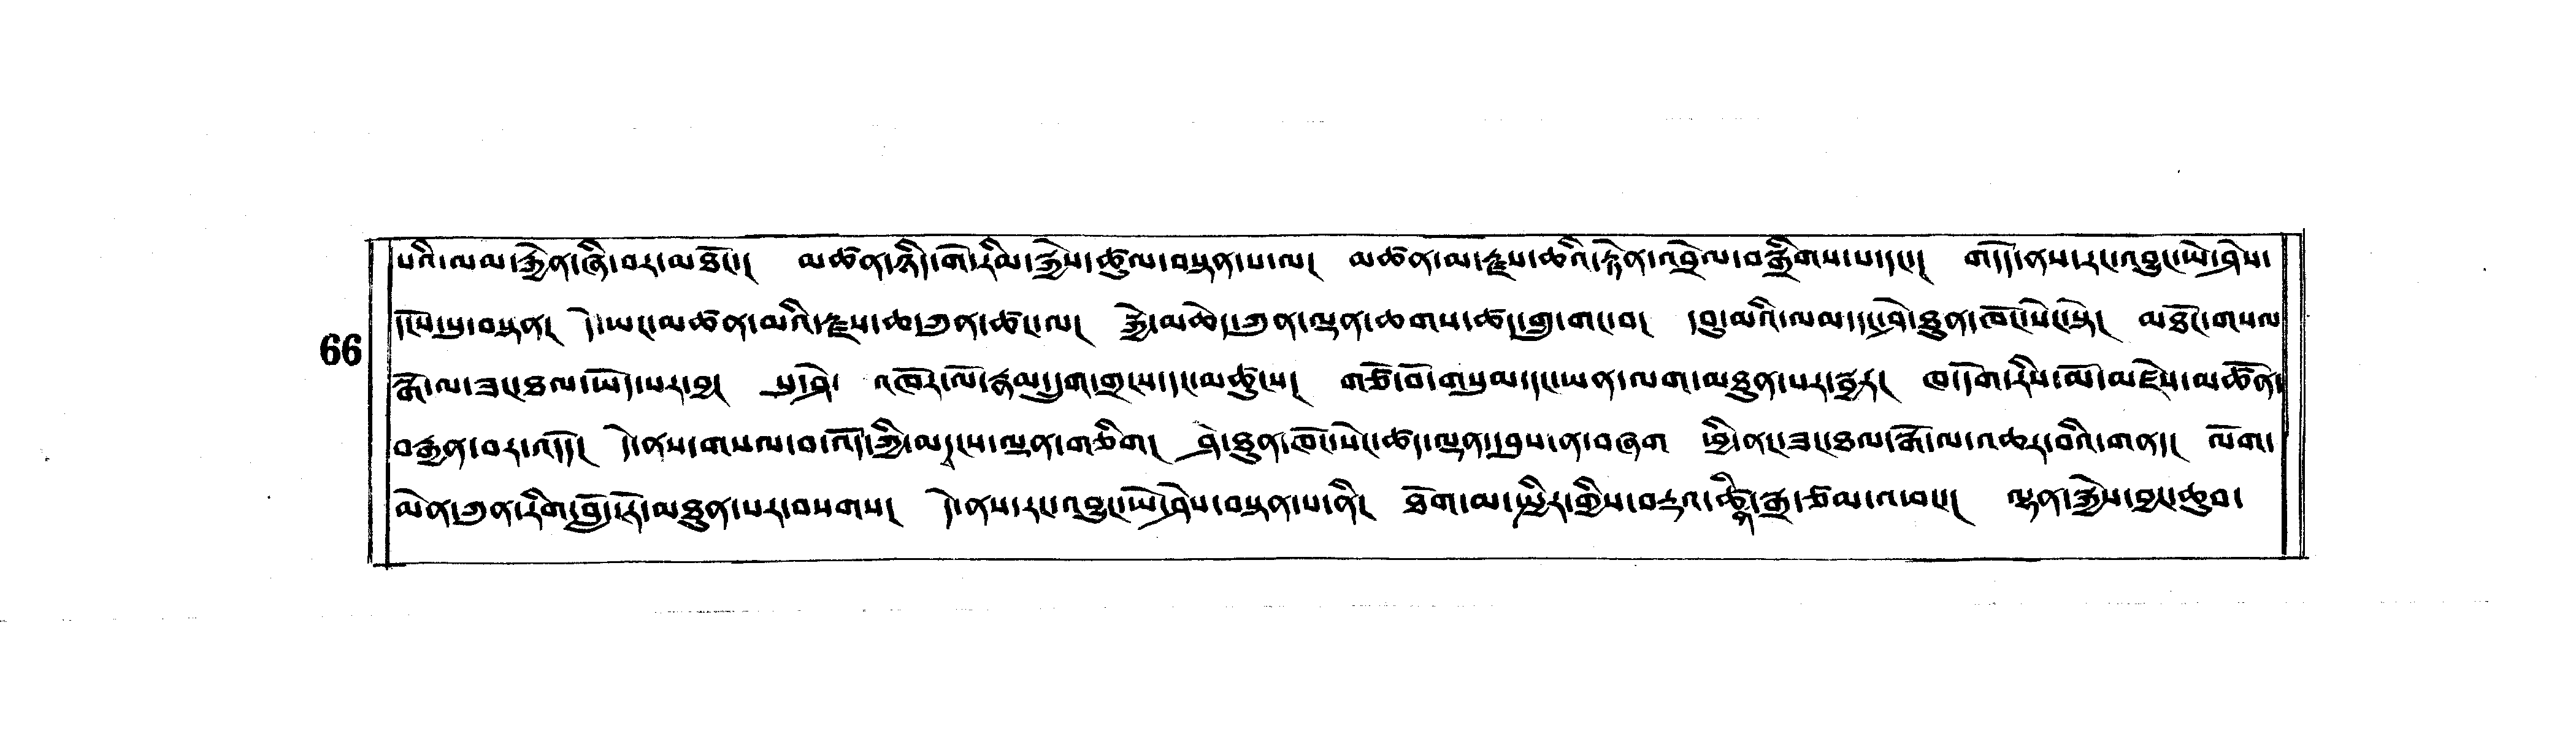པའི་ལམ་རྐྱེན་ཞི་བར་མཐོང་། མཚན་ཉིད་གོ་རིམ་སྐྱེས་ཚུལ་བསྟན་པ་ལ། མཚན་མ་རྫས་ཆའི་རྟེན་འབྲེལ་བསྒྲིགས་པ་དང་། གདོད་ནས་རང་འབྱུང་ཡེ་ཤེས་
དངོས་སུ་བསྟན། དེ་ཡང་མཚན་མའི་རྫས་ཆ་ཀུན་ཚང་ལ། སྐྱེ་མཆེད་ཀུན་ལྡན་ཆག་ཚད་གྲུ་གང་བ། དབུ་མའི་ལམ་དང་ཤེ་ཐུན་ཁོང་སེང་སྟེ། མཐོང་གསལ་
སྒོ་ལ་ཟང་ཐལ་ཡོད་པ་བྱ། པུ་ཤ། འཁོར་ལོ་རྣམ་དྲུག་གྲངས་དང་མཚུངས། གཙོ་བོ་གསུམ་དང་ཡན་ལག་མཐུན་པར་སྦྱར། ཁ་དོག་རི་མོ་མཛེས་ཚོན་
བརྒྱན་པར་འདོད། དེ་ནས་གསལ་བ་འོད་ཀྱི་མདངས་ལྡན་གཅིག། ཤེ་ཐུན་ཁོང་སེང་ཚད་ལྡན་དབུས་ན་བཞག ཕྱི་ནང་ཟང་ཐལ་སྒོ་ལ་འཆར་བའི་གནད། ལག་
ལེན་ཀུན་རིག་བློ་ངོར་མཐུན་པར་བསགས། དེ་ནས་རང་འབྱུང་ཡེ་ཤེས་བསྟན་པ་ནི། ཐོག་མ་སྤྱིར་གྱིས་བརྡ་ཚིག་སྒྲ་ཙམ་འཕངས། ལྷན་སྐྱེས་བྱང་ཆུབ་